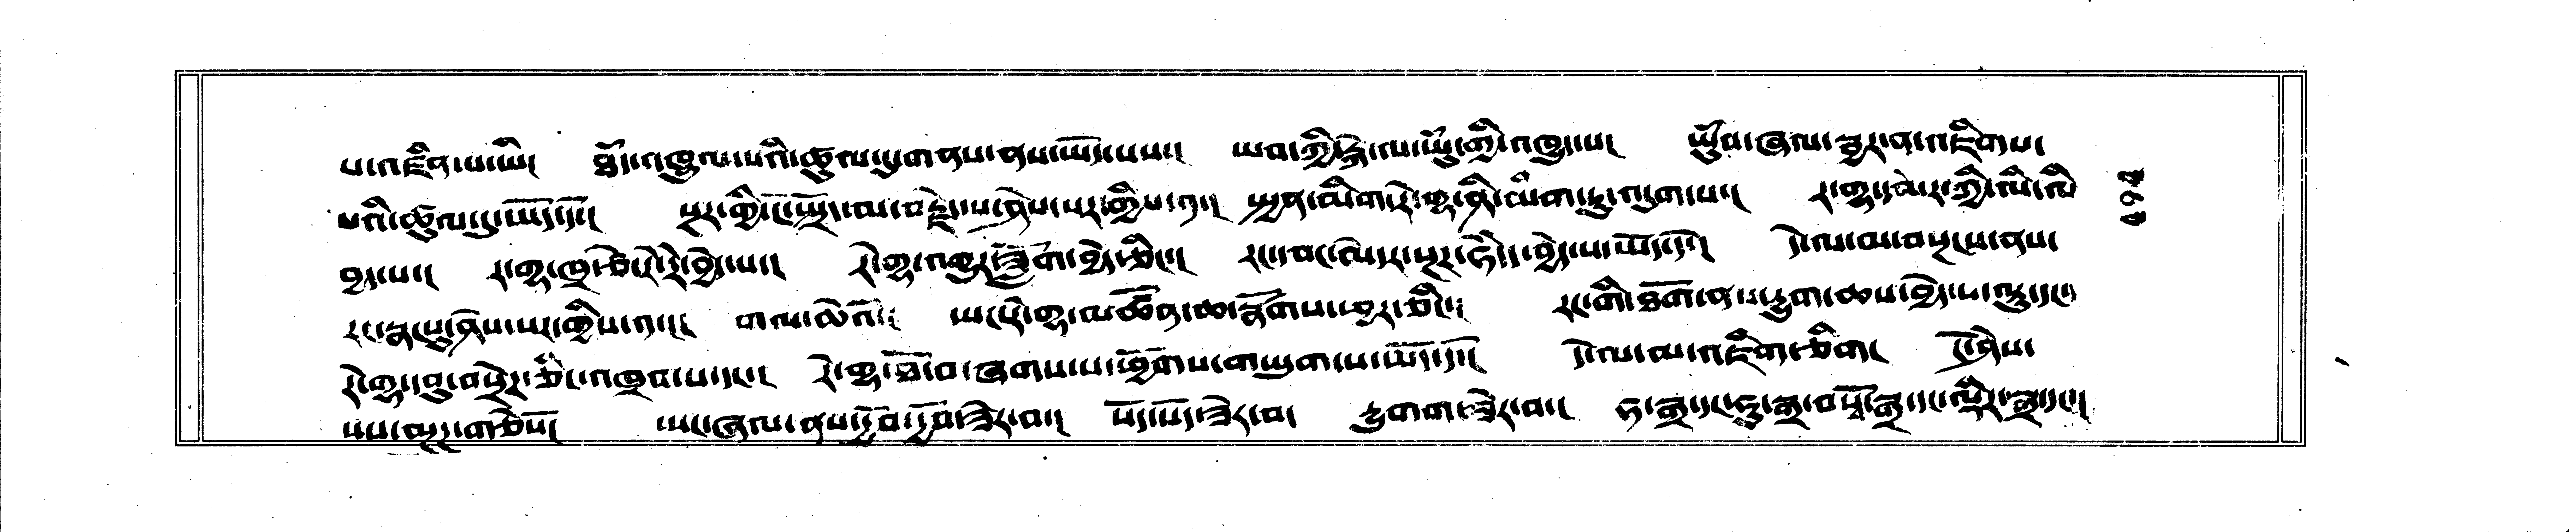པས་འཛིན་པའི་༼པ༽ཐམས་ཅད་འཁྲིལ་བའི་ཚུལ་དུ་གནས་ནས་ཡོད་པ། ཡབ་ཀྱིས་རྐེ་༼སྐེ༽ལ་ཡུམ་གྱིས་འཁྱུད་པ། ཡབ་ཡུམ་ཞལ་སྦྱོར་ནས་འཇིགས་
པའི་ཚུལ་དུ་ཡོད་དོ། སྔར་གྱིས་ངོ་སྤྲོད་མ་བརྗེད་པར་ཤེས་པར་གྱིས་ཤིག སྤྱན་མིག་ཐམས་ཅད་རེས་གྷས་(འགས)ཤེལ་མིག་དུ་འདུག་པ། རེས་གྷས་(འགས)་དམར་ཀྱི་ལི་ལི་
བྱེད་པ། རེས་གྷས་(འགས་)ཁྲ་ཅེ་རེ་རེ་བྱེད་པ། རེ་གྷས་(འགས)་འགྱུར་བཟློག་བྱེད་ཅིང་ རང་དབང་མེད་པར་སྔང་ཧེད་ཧེད་བྱེད་པ་ཡོད་དོ། དེ་ལ་མ་སྔང་ཅིག 
རང་སྣང་དུ་ཤེས་པར་གྱིས་ཤིག གལ་ཆེའོ། ཡང་རེས་གྷས་(འགས)་མཚོན་ཆ་སྣ་ཚོགས་ཕྱར་ཞིང་། རང་གིས་ཐོག་ནས་རྒྱུག་ཆིས་བྱེད་པ་ལྟ་བུ་དང་། 
རེ་གྷས་(འགས)་དབུ་བསིག་ཅིང་འཁྲབ་པ་དང་། རེས་གྷས་(འགས་)ཐོ་བ་ཞགས་པ་ཕྱོགས་མེད་དུ་གཡུགས་པ་ཡོད་དོ། དེ་ལ་མ་འཇིགས་ཤིག ངོ་ཤེས་
པའི་མེན་ངག་གཅེས་སོ། ཡང་ཞལ་ནས་རྒྱོབ་རྒྱོབ་ཟེར་བ། སོད་སོད་ཟེར་བ། རྒྱུག་རྒྱུག་ཟེར་བ། ཧ་སྒྲ་དང་ཧཱུཾ་སྒྲ་དང་བསོ་སྒྲ་དང་ལྡིར་སྒྲ་དང་།